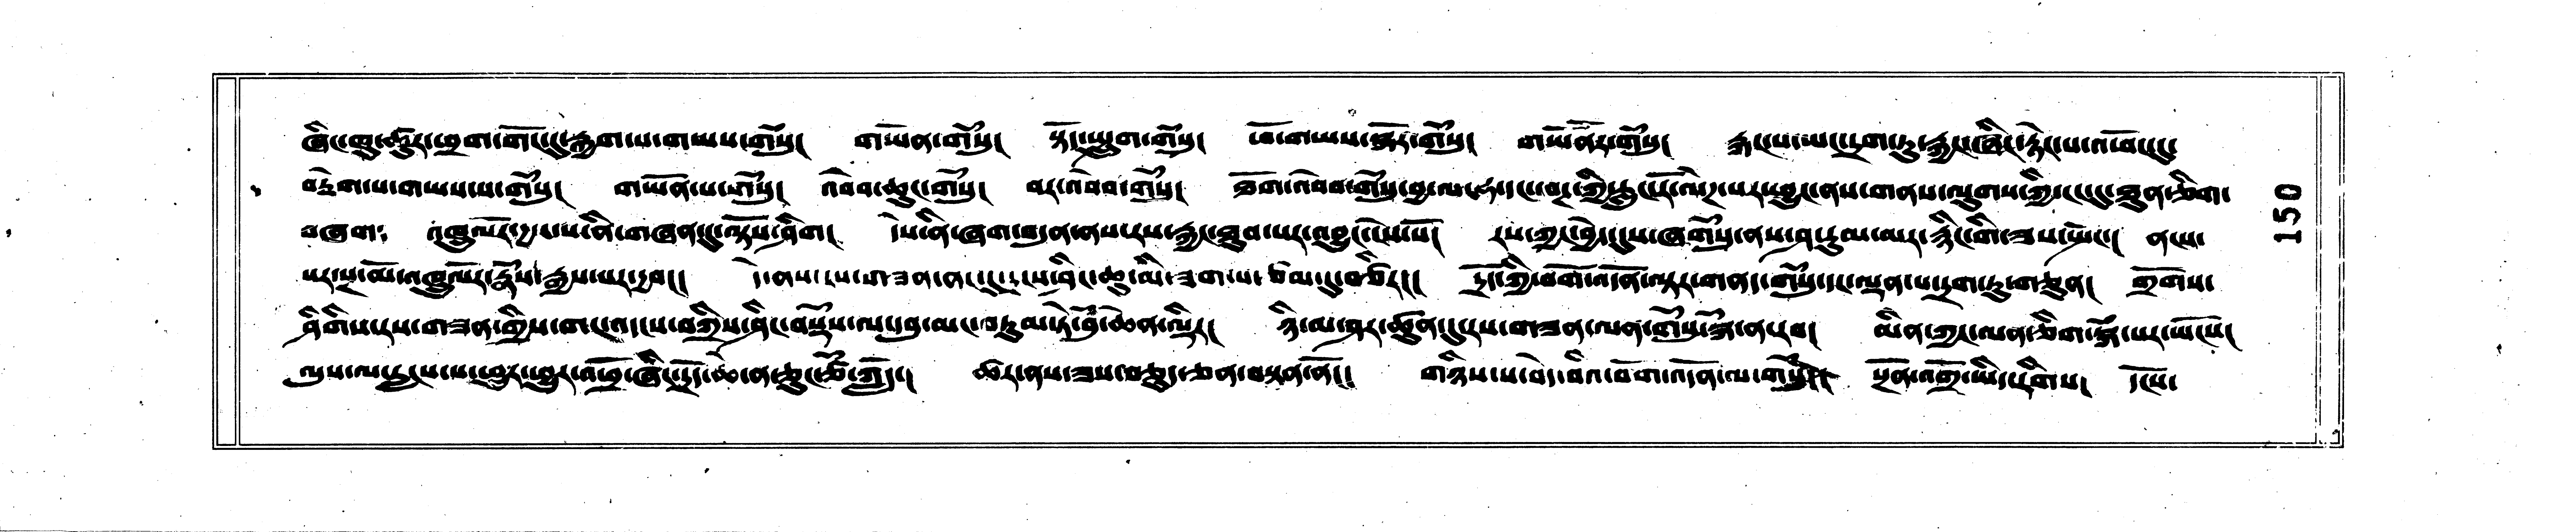ཞིང་ཁུ་ཚུར་ཕྲག་གོང་དུ་རྒྱག་པ་གཡས་གསུམ། གཡོན་གསུམ། སྟོང་སྤྲུག་གསུམ། ཕོ་གཡས་སྐོར་གསུམ། གཡོན་སྐོར་གསུམ། རྐང་པ་ཡང་དྲག་ཏུ་བརྐྱང་ཞིང་རྟིང་པ་འཕོང་དུ་
བརྡེག་པ་གཡས་པ་གསུམ། གཡོན་པ་གསུམ། འབེབས་ཆུང་གསུམ། བར་འབེབས་གསུམ། ཐོག་འབེབས་གསུམ་བྱ་ལ། ཧ་དང་ཕཊཿཀྱི་རླུང་རོ་ལེགས་པར་ཕྱུང་ནས་གནས་ལུགས་ཀྱི་ངང་དུ་ཐུན་གཅིག་
བཞག འཁྲུལ་འཁོར་རྒྱས་པ་ནི་གཞན་དུ་ལྟོས་ཤིག དེ་ནས་ཞག་བདུན་ནས་རས་རྐྱང་ཐུབ་པར་འབྱུང་ངེས་སོ། །རས་ཀྱང་བྱེད་དུས་ཞག་གསུམ་ནས་ཤ་རུལ་མར་རྙིང་གི་ཟས་སྤོང་། ནངས་
པར་སྔ་མོ་འཁྲུལ་འཁོར་རྣམས་རྒྱས་པར་བརྒྱབས། དེ་ནས་རས་གཟན་ནང་དུ་དྲངས་ཤིང་ཆུ་མི་ཟག་པ་ཙམ་དུ་བཙིར། དྲོད་ཀྱི་བོག་འདོན་ལྟར་གནད་གསུམ་དང་ལྡན་པ་དྲག་ཏུ་གཅུན། གྲོགས་
ཤིག་གིས་རས་གཟན་གྱིས་གང་འདངས་བཀྲ་ཤིས་ཤིང་བསྡམས་ལ་དབུ་མང་བཏུམ་ཏེ་བུམ་ཆེན་ལྡིར། ཉི་མ་ཤར་ཚུན་དུ་རས་གཟན་ལན་གསུམ་སྐམ་ན་རབ། མིན་ཀྱང་ལན་ཅིག་སྐམ་པར་ཡོང་།
 ལུས་ལ་རླངས་པ་ཕྱུར་ཕྱུར་འཕྲོ་ཞིང་དྲོད་ཆེ་ན་ཅུང་ཙམ་གློད། ཚར་ནས་ཟས་བཅུད་ཅན་བསྟན་ནོ། །གཉིས་པ་བདེ་བའི་བོགས་འདོན་ལ་གསུམ། སྔོན་འགྲོ་ཡིད་རིགས། དངོས་